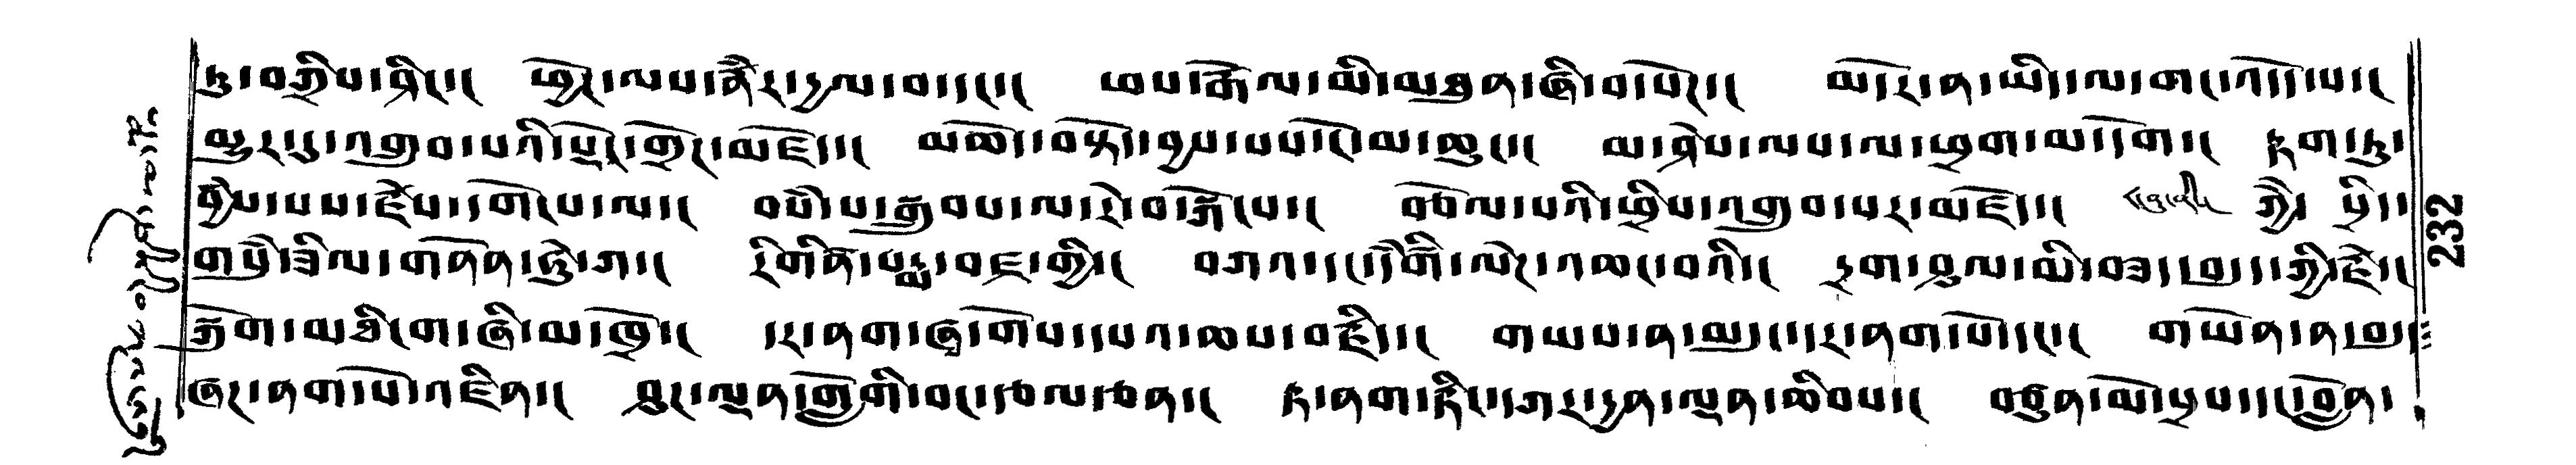ཏུ་བཀྲ་ཤིས་ཤིང་། །ཕྱོགས་ལས་རྣམ་པར་རྒྱལ་བ་དང་། །ཕས་རྒོལ་མི་མཐུན་ཞི་བ་སོགས། །མདོར་ན་ཡིད་ལ་གང་འདོད་པ། །
མྱུར་དུ་འགྲུབ་པའི་སྡོང་གྲོགས་མཛོད། །མཆོད་བསྟོད་བྱས་པས་ངོ་མ་ཆུང་། །མ་ཤེས་ལས་ལ་ཕྲག་མ་དོག རྟག་ཏུ་
བྱམས་པས་རྗེས་དགོངས་ལ། །བསམ་པ་སྒྲུབས་ལ་རེ་བ་སྐོངས། །བཅོལ་པའི་ཕྲིན་ལས་འགྲུབ་པར་མཛོད། ར་ནུ་ནི། ཀྱཻ། །སྲིད་
གསུམ་ཟིལ་གནོན་ཧེ་རུ་ཀ །རིག་འཛིན་པདྨ་བཛྲ་གྱི། །བཀའ་དང་དམ་ཚིག་ལེགས་འཆང་བའི། །དྲག་ཤུལ་མི་བཟད་བདུད་ཀྱི་རྗེ། །
སྐུ་མདོག་མཐིང་ནག་ཞི་མ་ཁྲོ། །དར་ནག་ཞྭ་གོས་དཔའ་ཆས་བརྗིད། །གཡས་ན་མདུང་དར་ནག་པོ་དང་། །གཡོན་ན་བདུད་
ཞགས་ནག་པོ་འཛིན། །ཤུགས་ལྡན་གློག་གི་བང་རྩལ་ཅན། །རྟ་ནག་རྟིང་དཀར་རྒྱན་ལྡན་ཆིབས། །བཙུན་མོ་སྲས་དང་བློན་